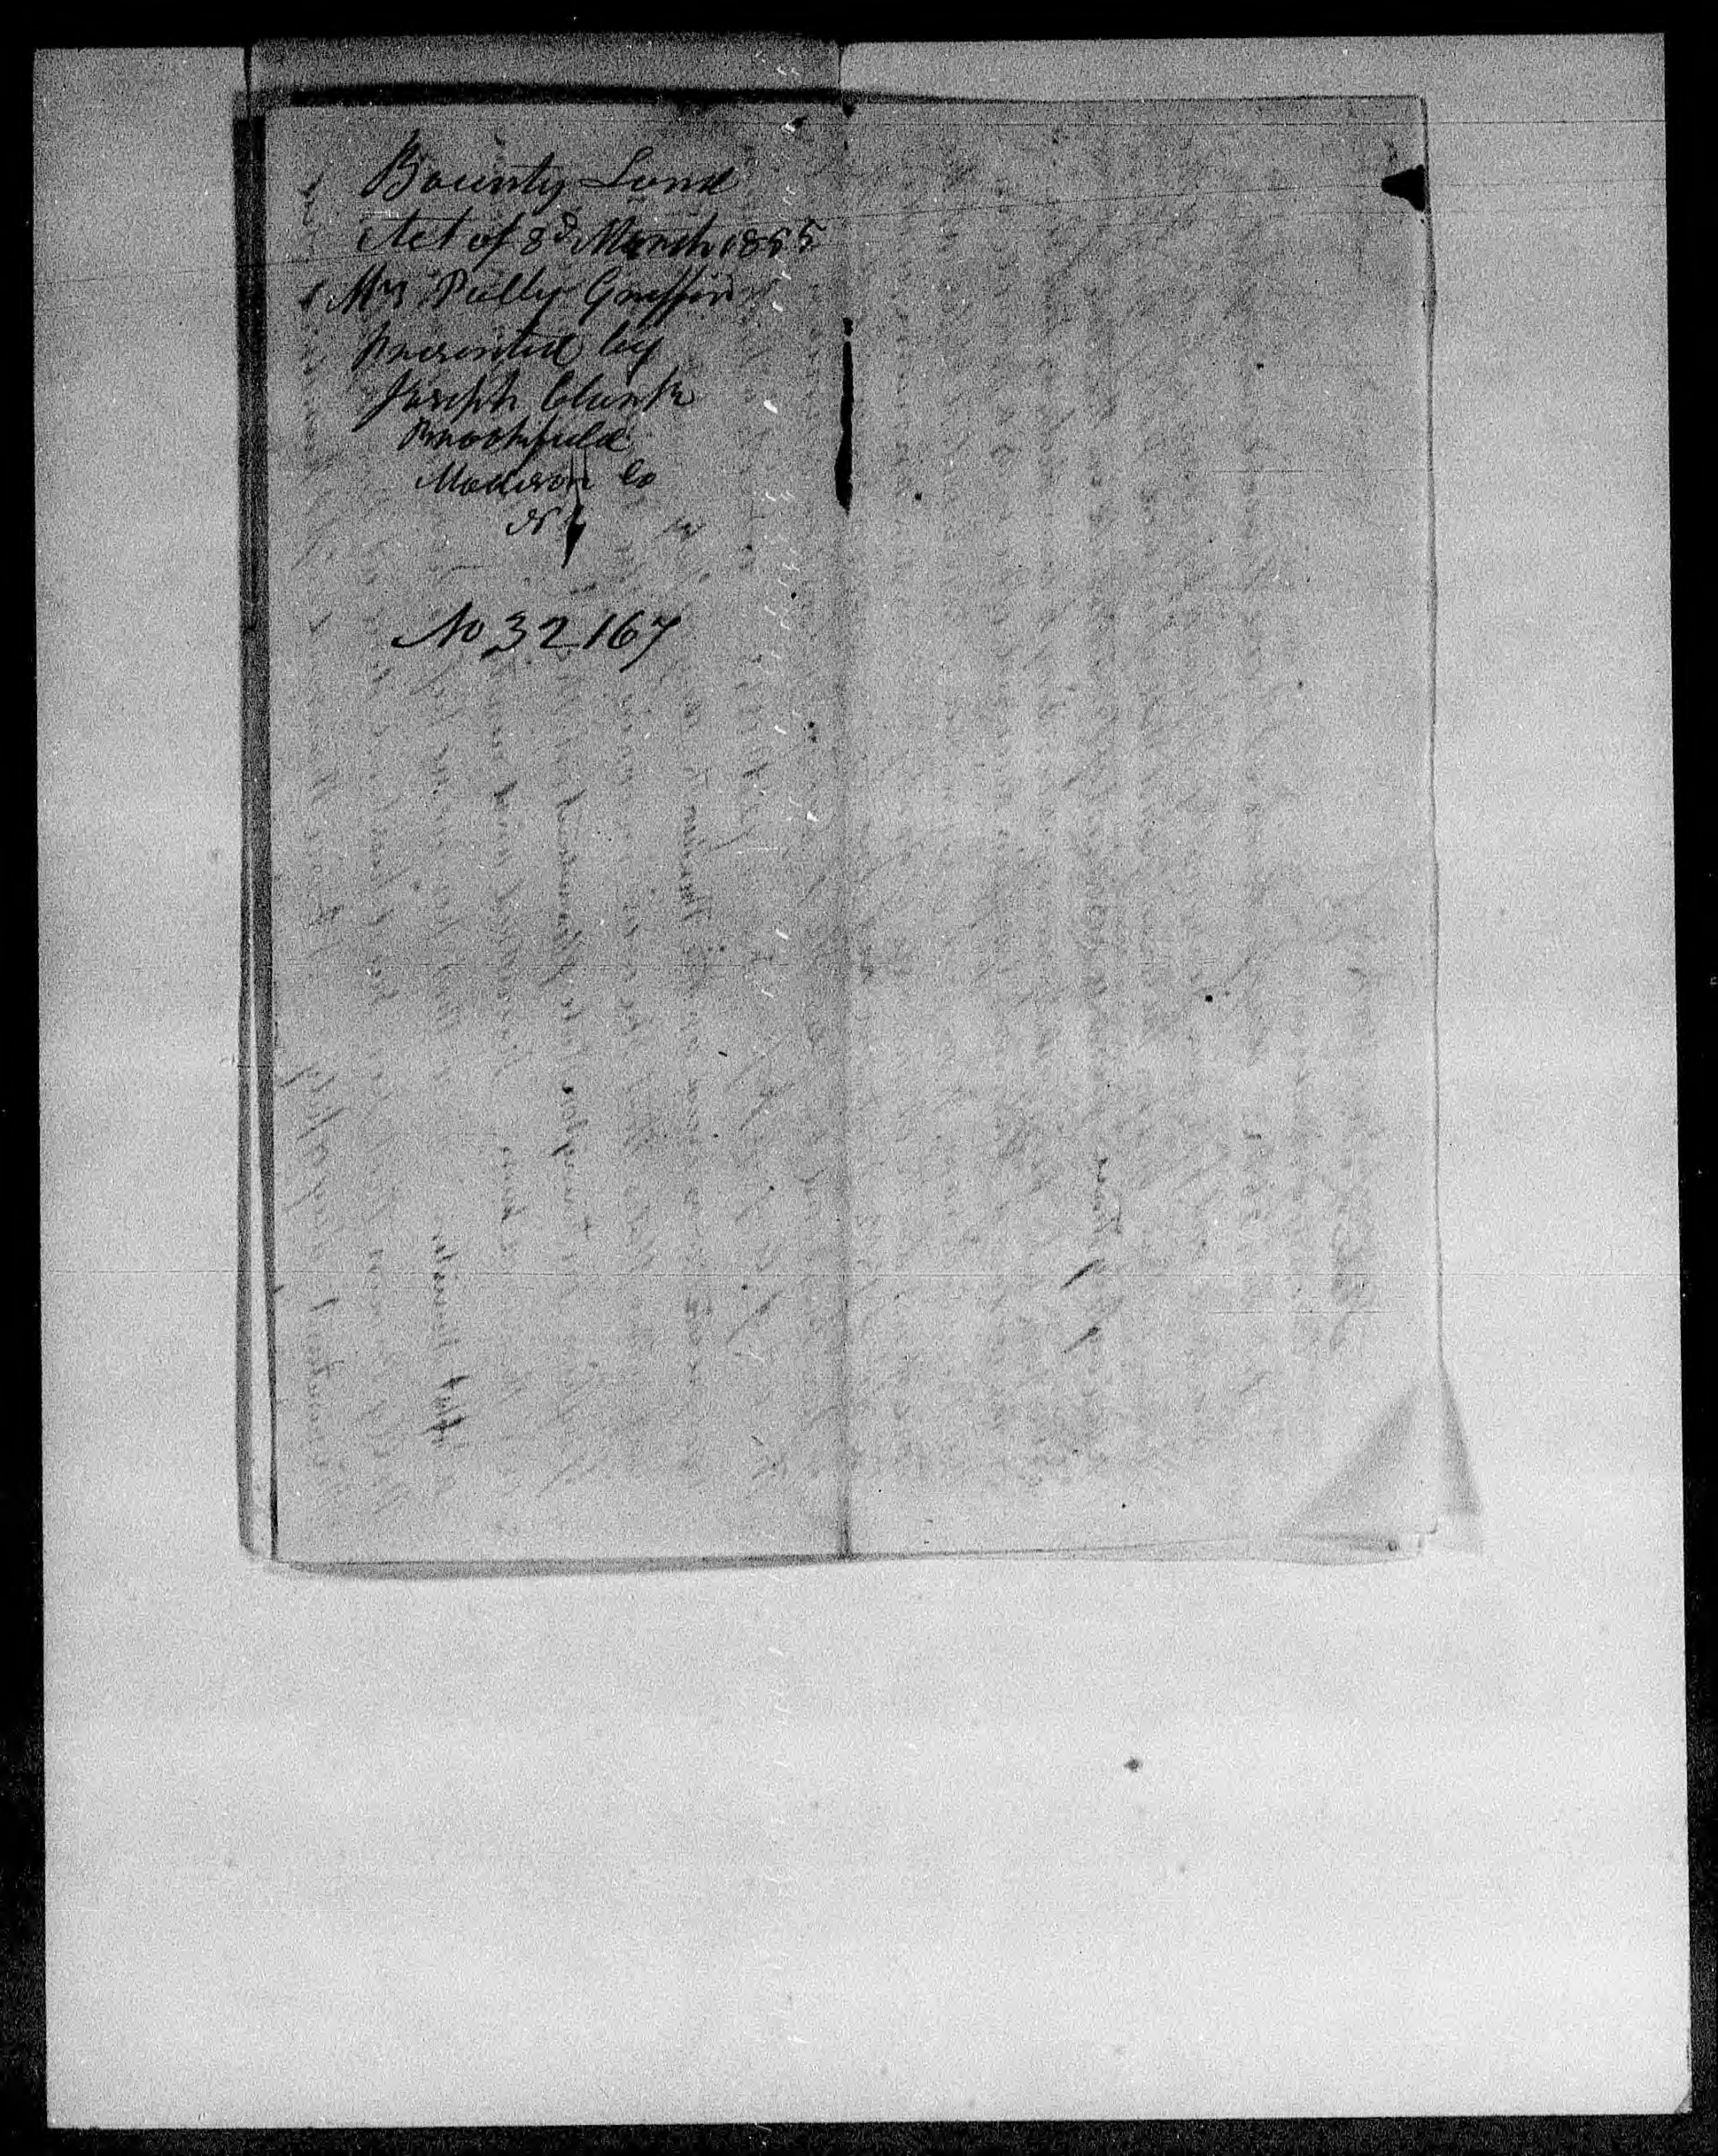Bounty Land
Act of 3d March 1855
Mrs Polly Griffin
presented by
Joseph Clark
Brookfield
Madison Co
NY
No. 32167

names: Joseph Clark, Polly Griffin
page: 12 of 60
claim: widow's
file: W. 19,537, Thomas Griffin, Conn.